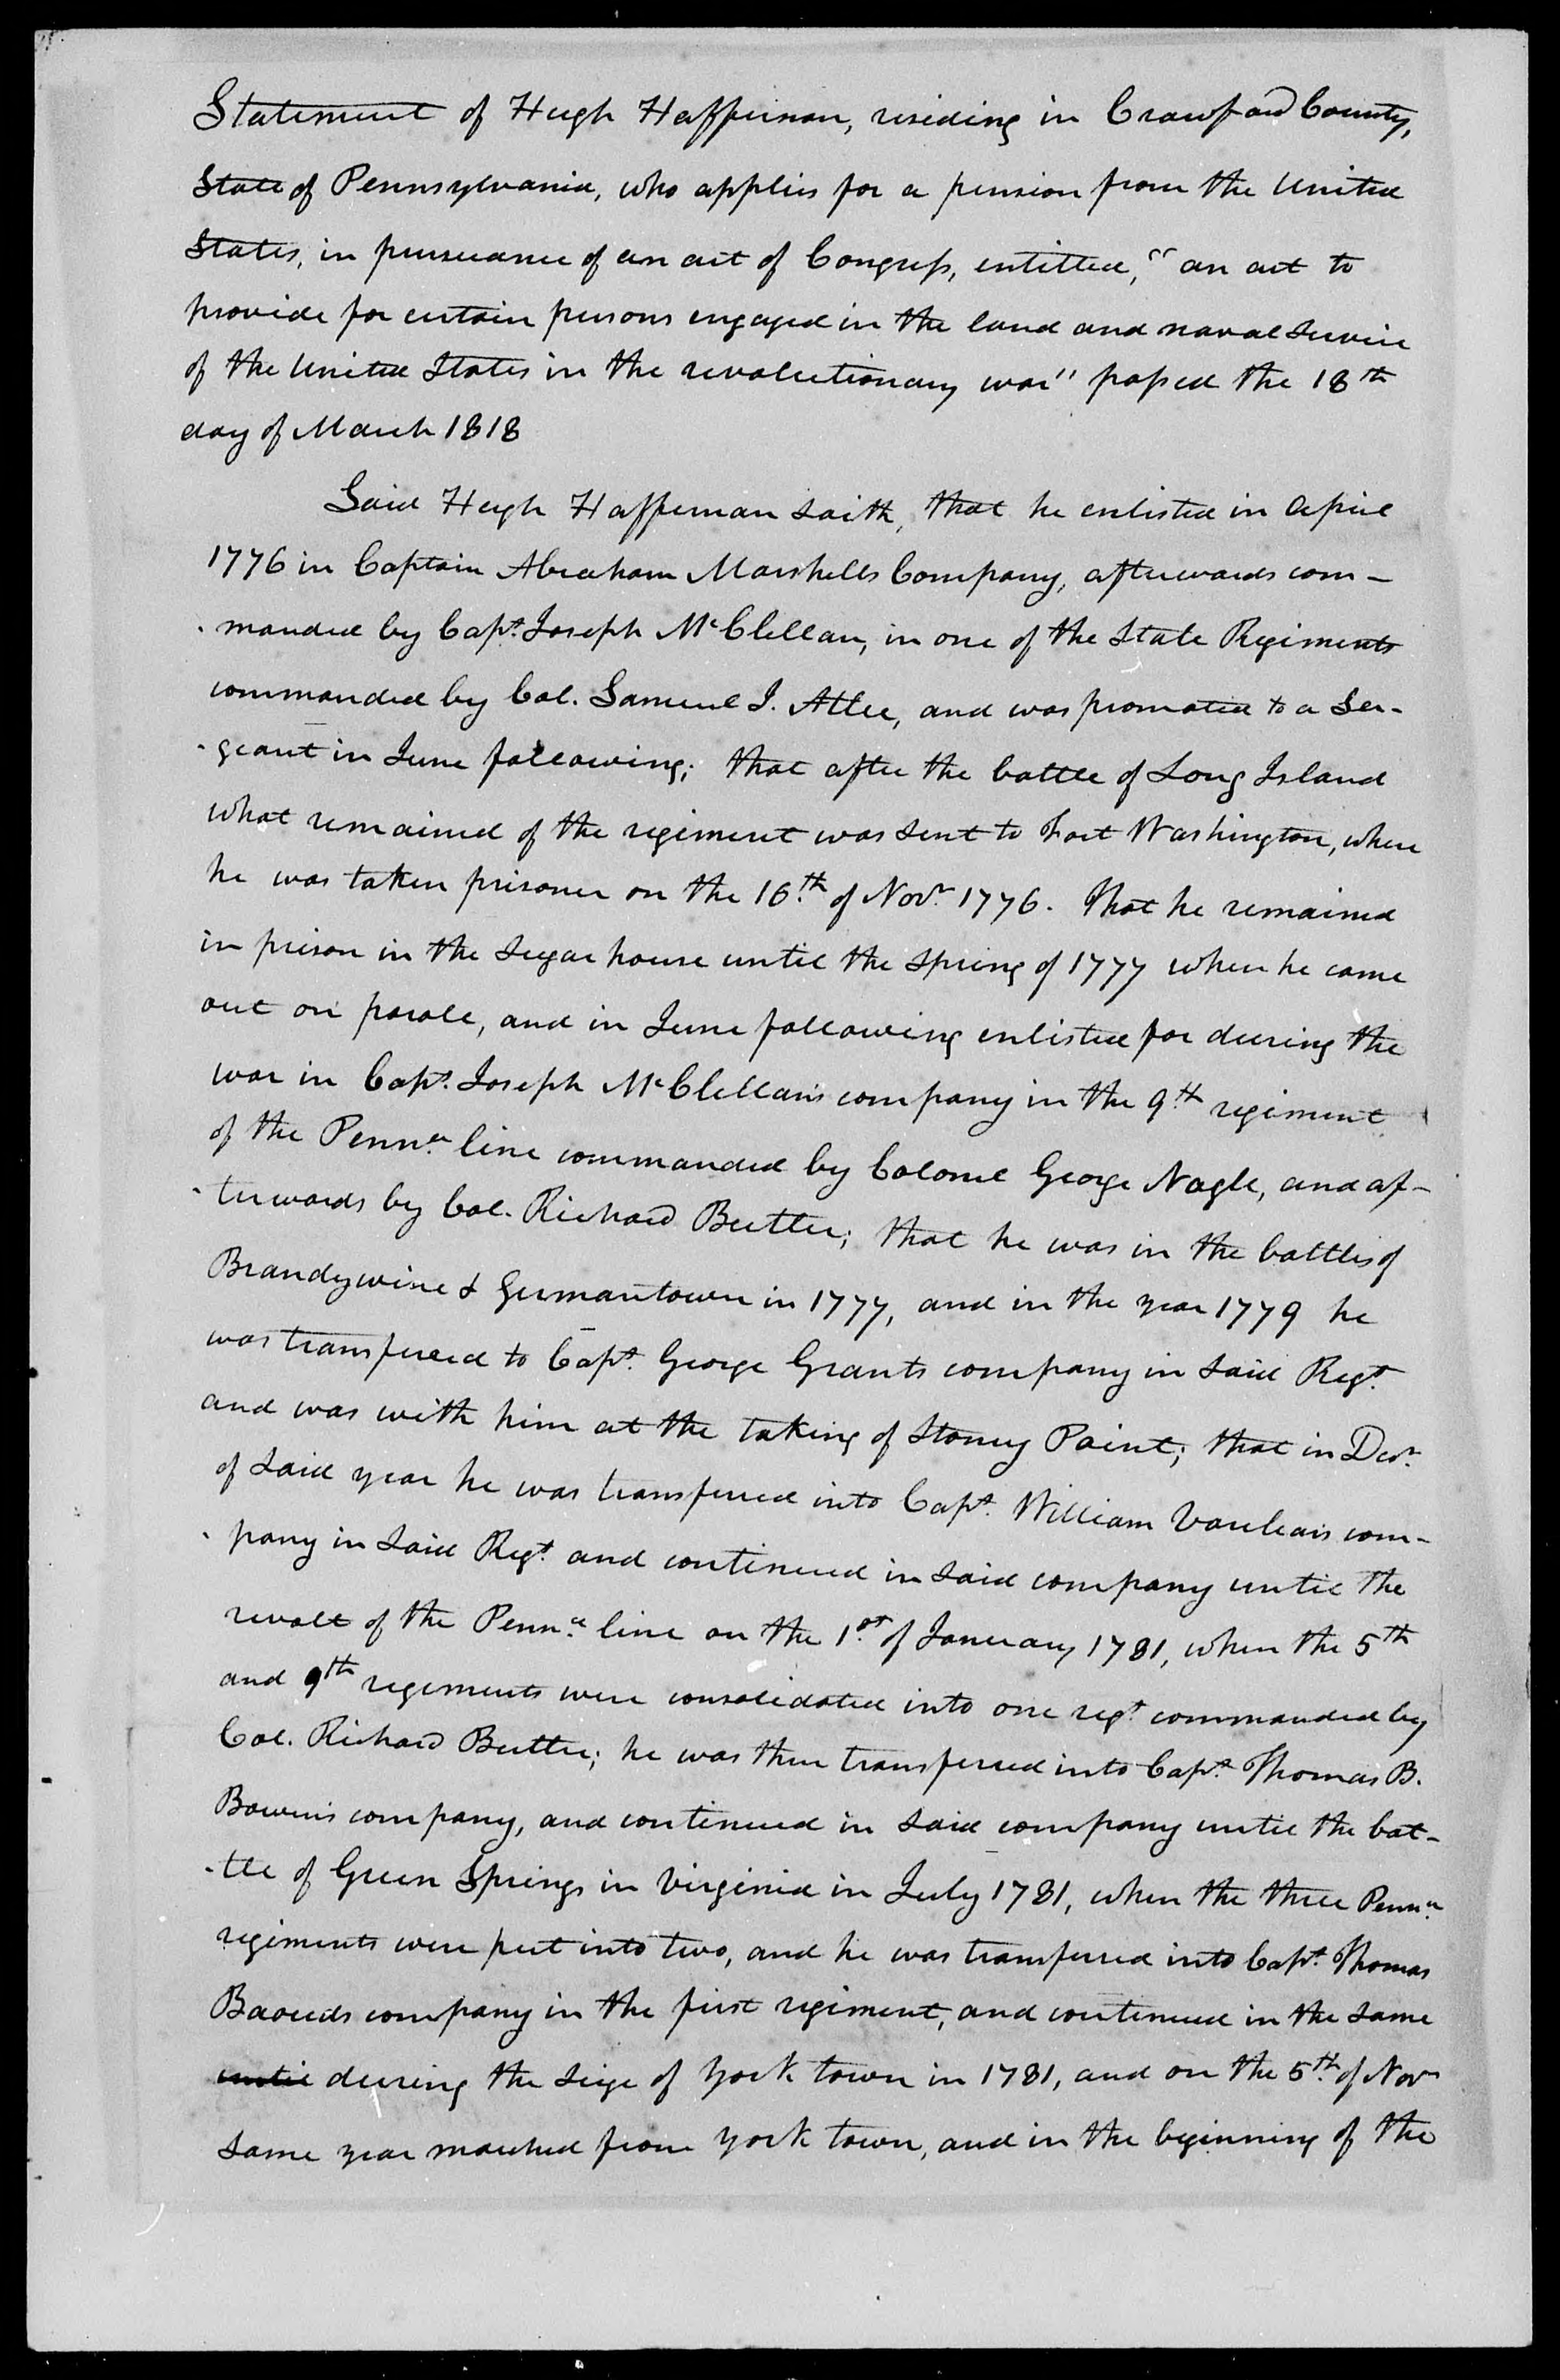Statement of Hugh Haffernan, residing in Crawford County,
State of Pennsylvania, who applies for a pension from the United States, in pursuance of an act of Congress, entitled"an act to provide for certain persons engaged in the land and naval service
of the United States in the revolutionary war"" passed the 18th day of March 1818
Said Hugh Haffeman saith that he enlisted in April 1776 in Captain Abraham Marshall's Company, afterwards commanded
by Capt Joseph McClellan, in one of the State Regiments commanded by Col. Samuel J. Atlee, and was promoted to a Sergeant in June following.
That after the battle of Long Island
what remained of the regiment was sent to Fort Washington, where
he was taken prisoner on the 16th of Novr 1776. That he remained in prison in the Sugar house until the Spring of 1777 when he came
out on parole, and in June following enlisted for during the war in Capt Joseph McClellan's company in the 9th regiment
of the Penna. line commanded by Colonel George Nagle, and afterwards by Col. Richard Butler, that he was in the battles of
Brandywine & Germantown in 1777, and in the year 1779 he was transferred to Capt George Grants company in said Regt
and was with him at the taking of Stoney Point, that in Decr of said year he was transfered into Capt William Van Leer company in said Regt and continued in said company until the
revolt of the Penna line on the 1st of January 1781, when the 5th
and 9th regiments were consolidated into one regt commanded by
Col. Richard Butler; he was then transferred into Capt Thomas B Bowen's company, and continued in said company until the battle
of Green Springs in Virginia in July 1781, when the three Penna
regiments were put into two, and he was transferred into Capt Thomas
Bowin's company in the first regiment, and continued in the same
until during the siege of York town in 1781, and on the 5th of Nov same year marched from York town, and in the beginning of the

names: Richard Butler, Joseph Mc Clellan, Samuel J Atlee, Richard Butler, Hugh Haffernan, Hugh Haffernan, George Nagle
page: 3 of 21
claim: rejected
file: R. 4419, Hugh Haffernan, Penn.